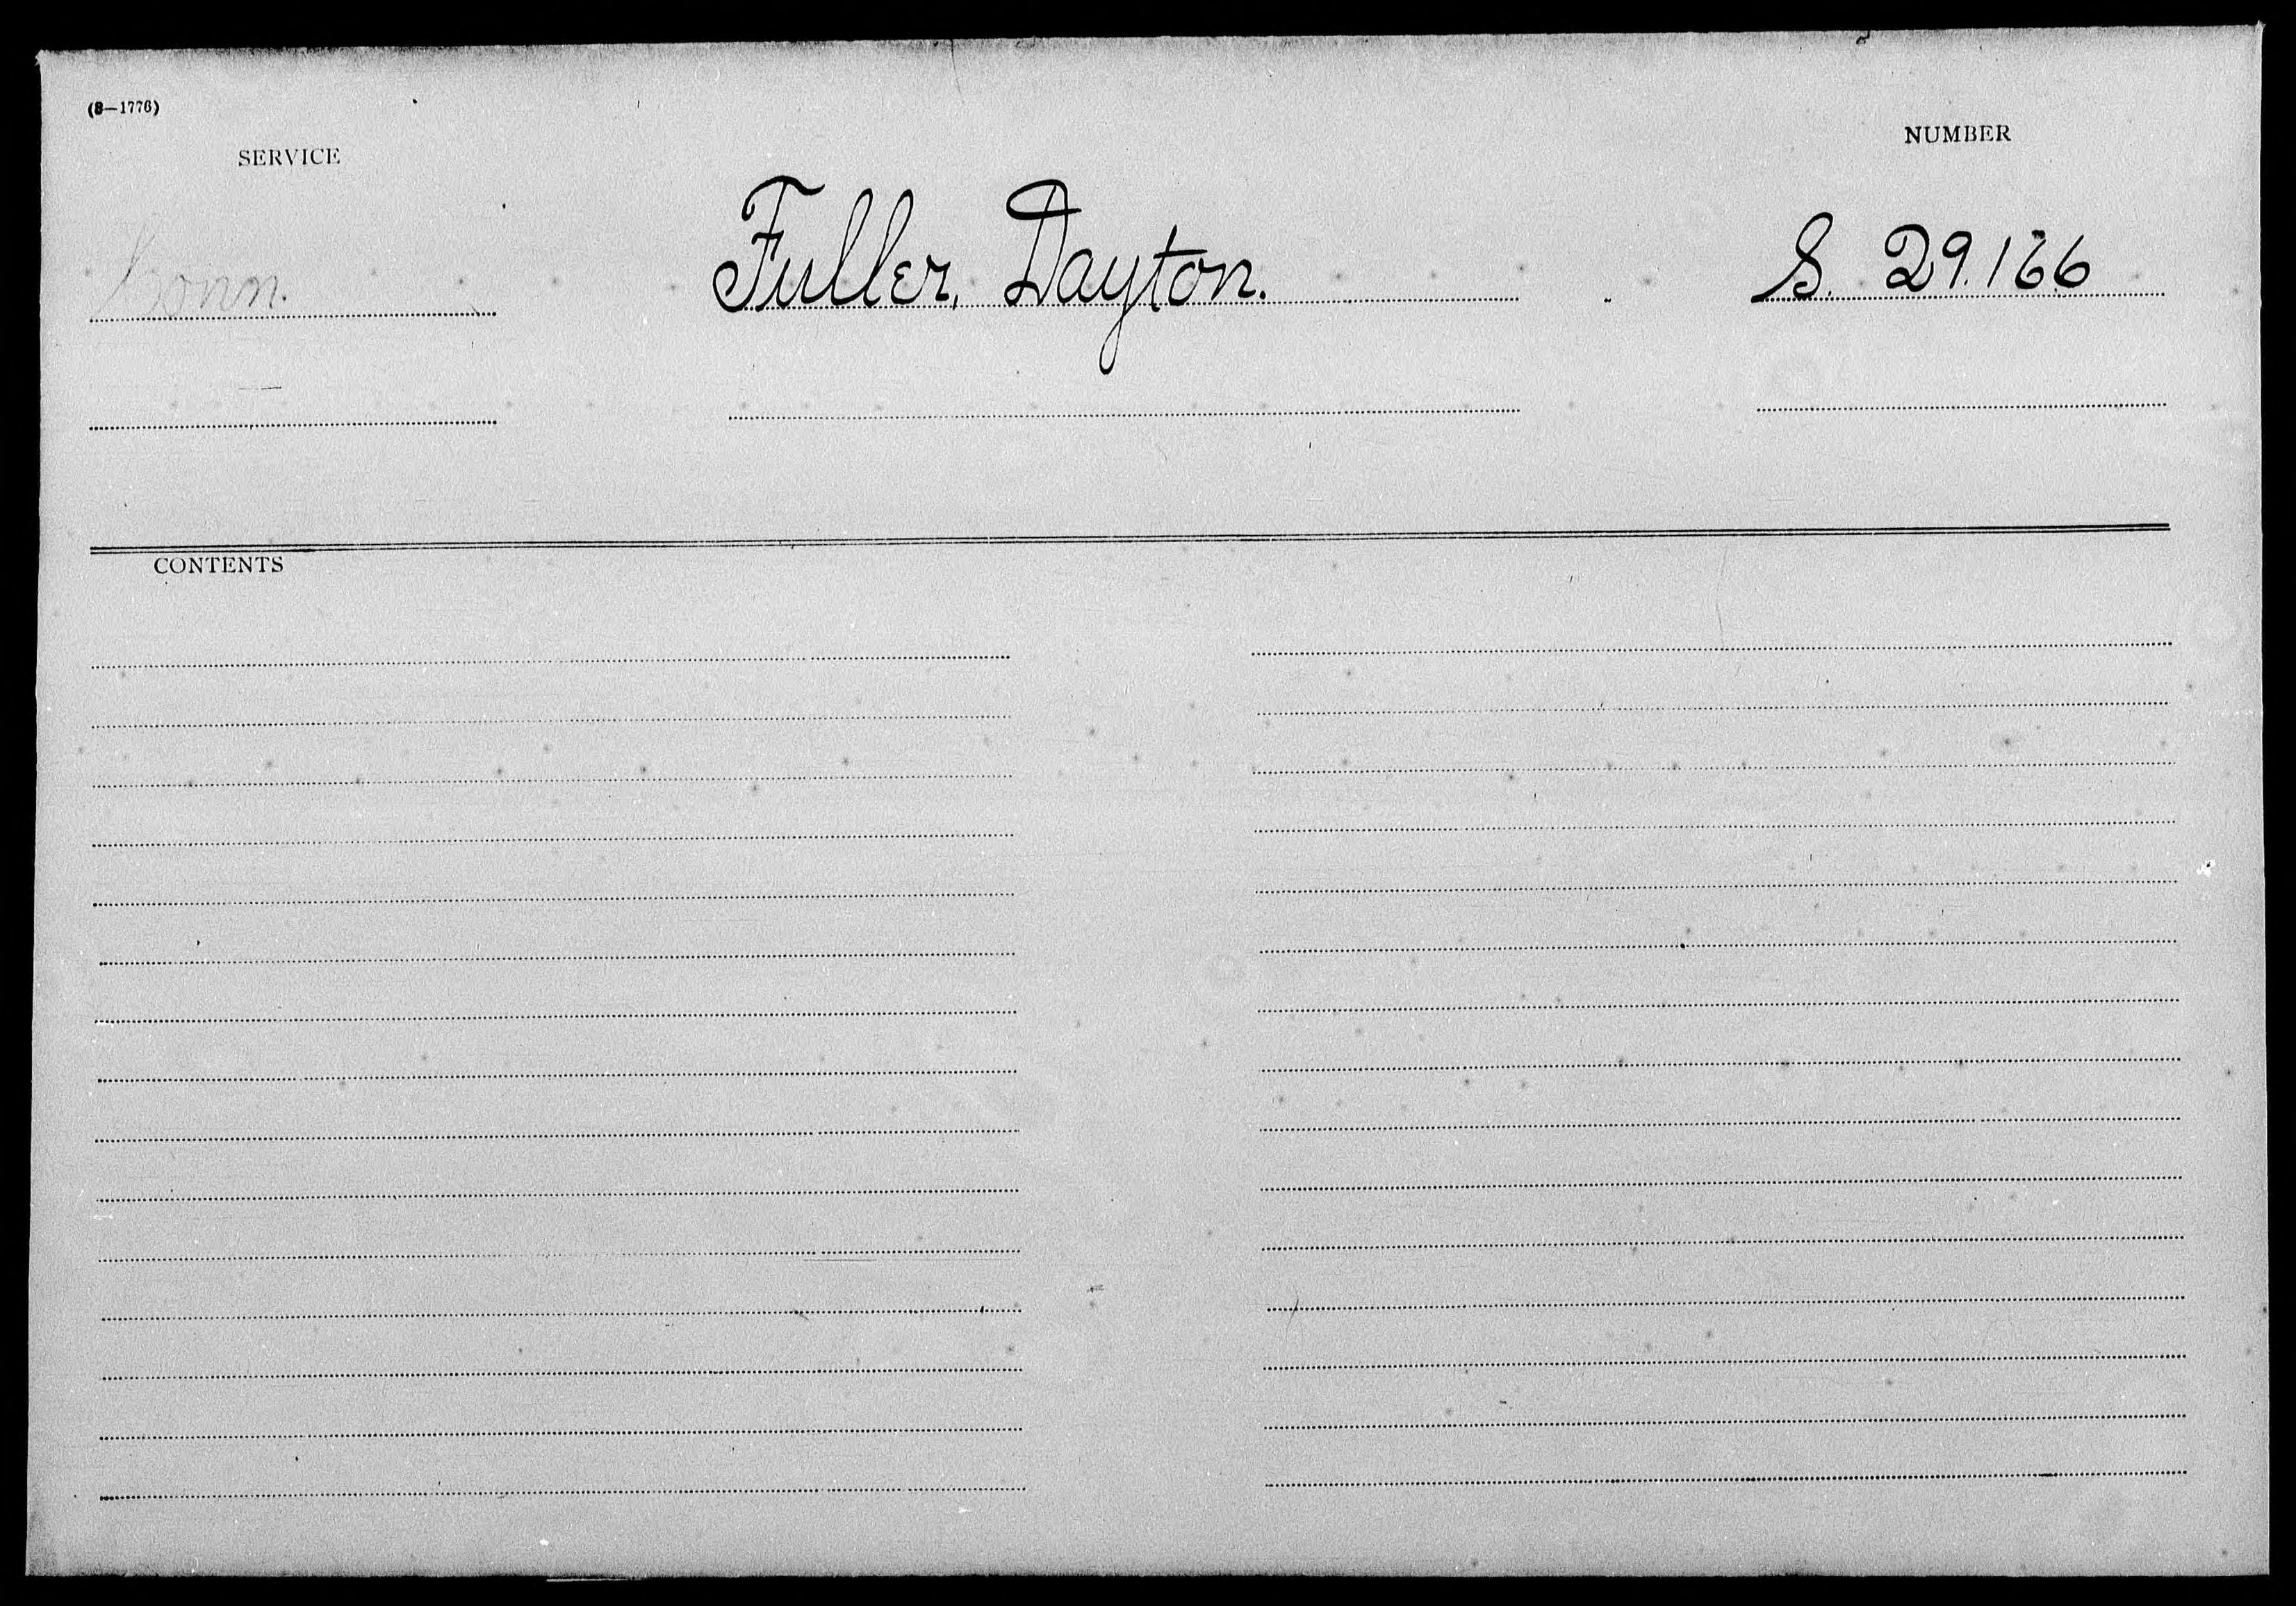(8-1776)
SERVICE | | NUMBER
Conn. | Fuller, Dayton | S 29.166
CONTENTS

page: 1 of 15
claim: survivor's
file: S. 29,166, Dayton Fuller, Conn.